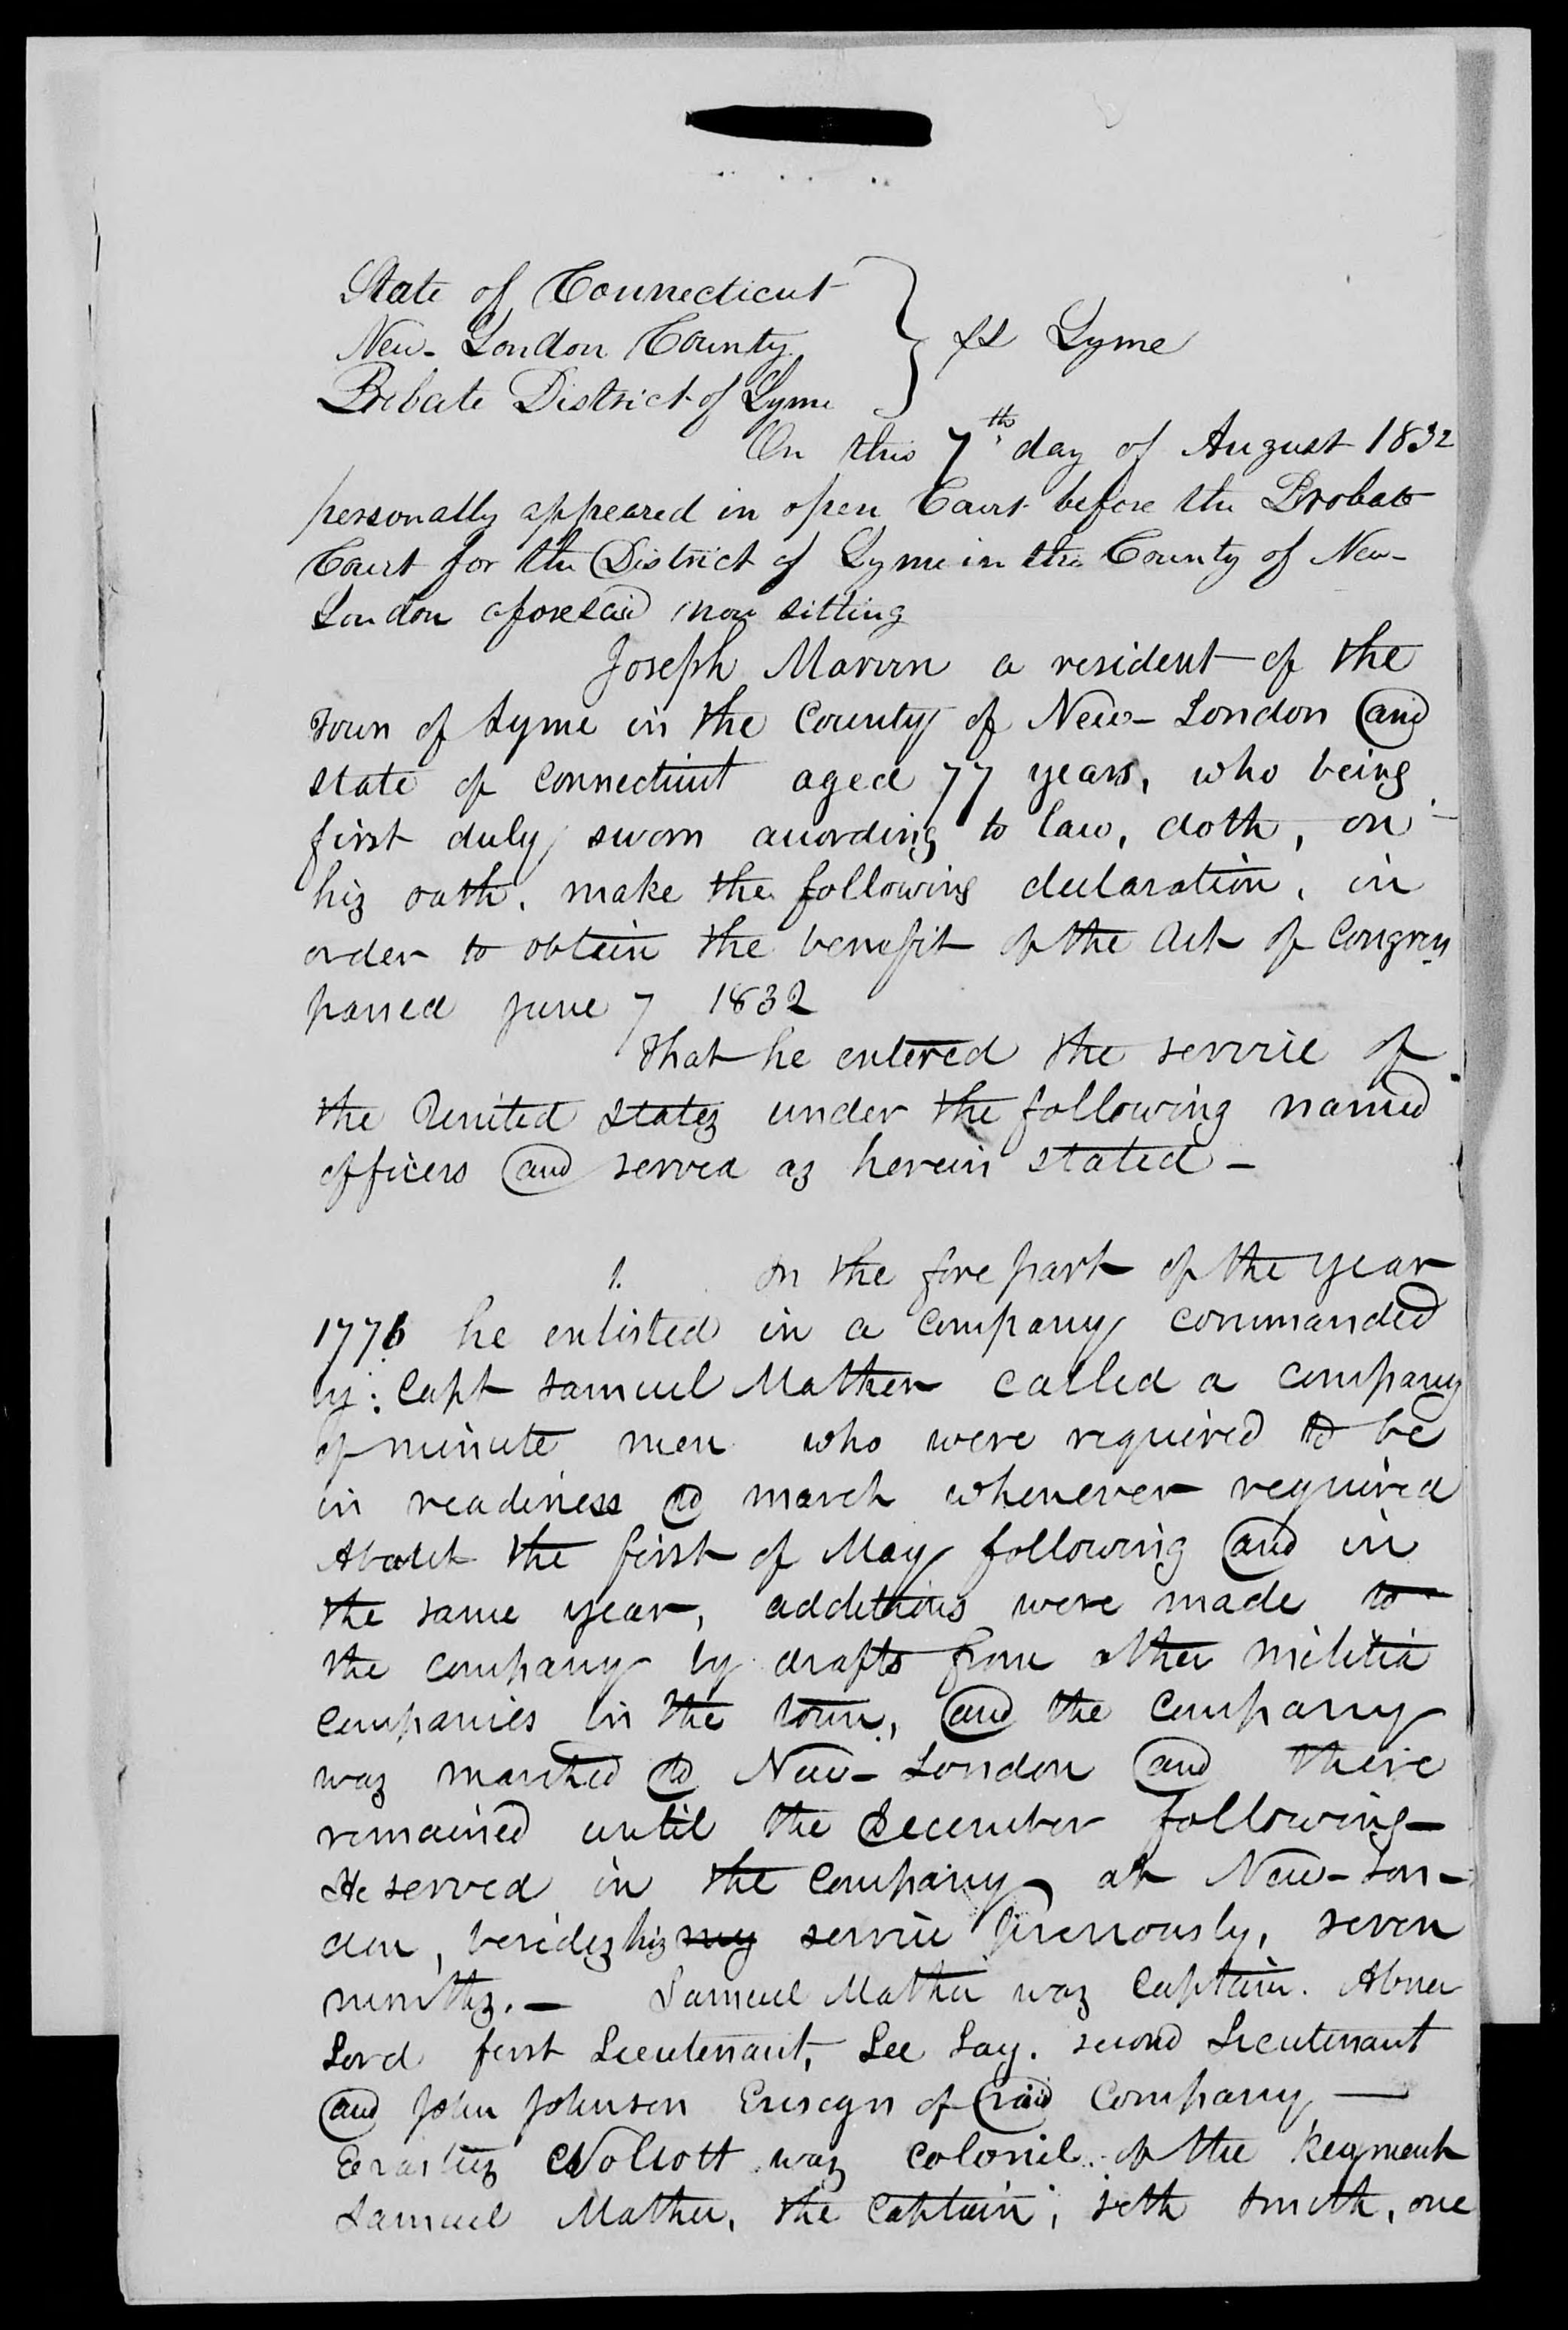State of Connecticut 
New London County 
Probate District of Lyme} ss Lyme
On this 7th day of August 1832 personally appeared in open Court before the Probate Court for the District of Lyme in the County of New London aforesaid now sitting 
Joseph Marvin a resident of the town of Lyme in the County of New London and state of Connecticut aged 77 years, who being first duly sworn according to law, doth, on his oath, make the following declaration, in order to obtain the benefit of the act of Congress passed June 7, 1832. 
That he entered the service of the United States under the following named officers and service as herein stated-
1. In the forepart of the year 1776 he enlisted in a company commanded by Capt Samuel Mather called a company of minute men who were required to be in readiness to march whenever required About the first of May following and in the same year, additions were made to the company by drafts from other militia companies in the town, and the company was marched to New London and there remained until the December following.  He served in the company at New London, besides his service previously seven months. Samuel Mather was Captain . Abner Lord first Lieutenant, Lee Lay. second Lieutenant and John Johnson Ensign of said company Erastus Wolcott was colonel of the regiment, Samuel Mather, the captain; Seth Smith, one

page: 13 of 20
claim: survivor's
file: S. 15,516, for Joseph Marvin, Connecticut